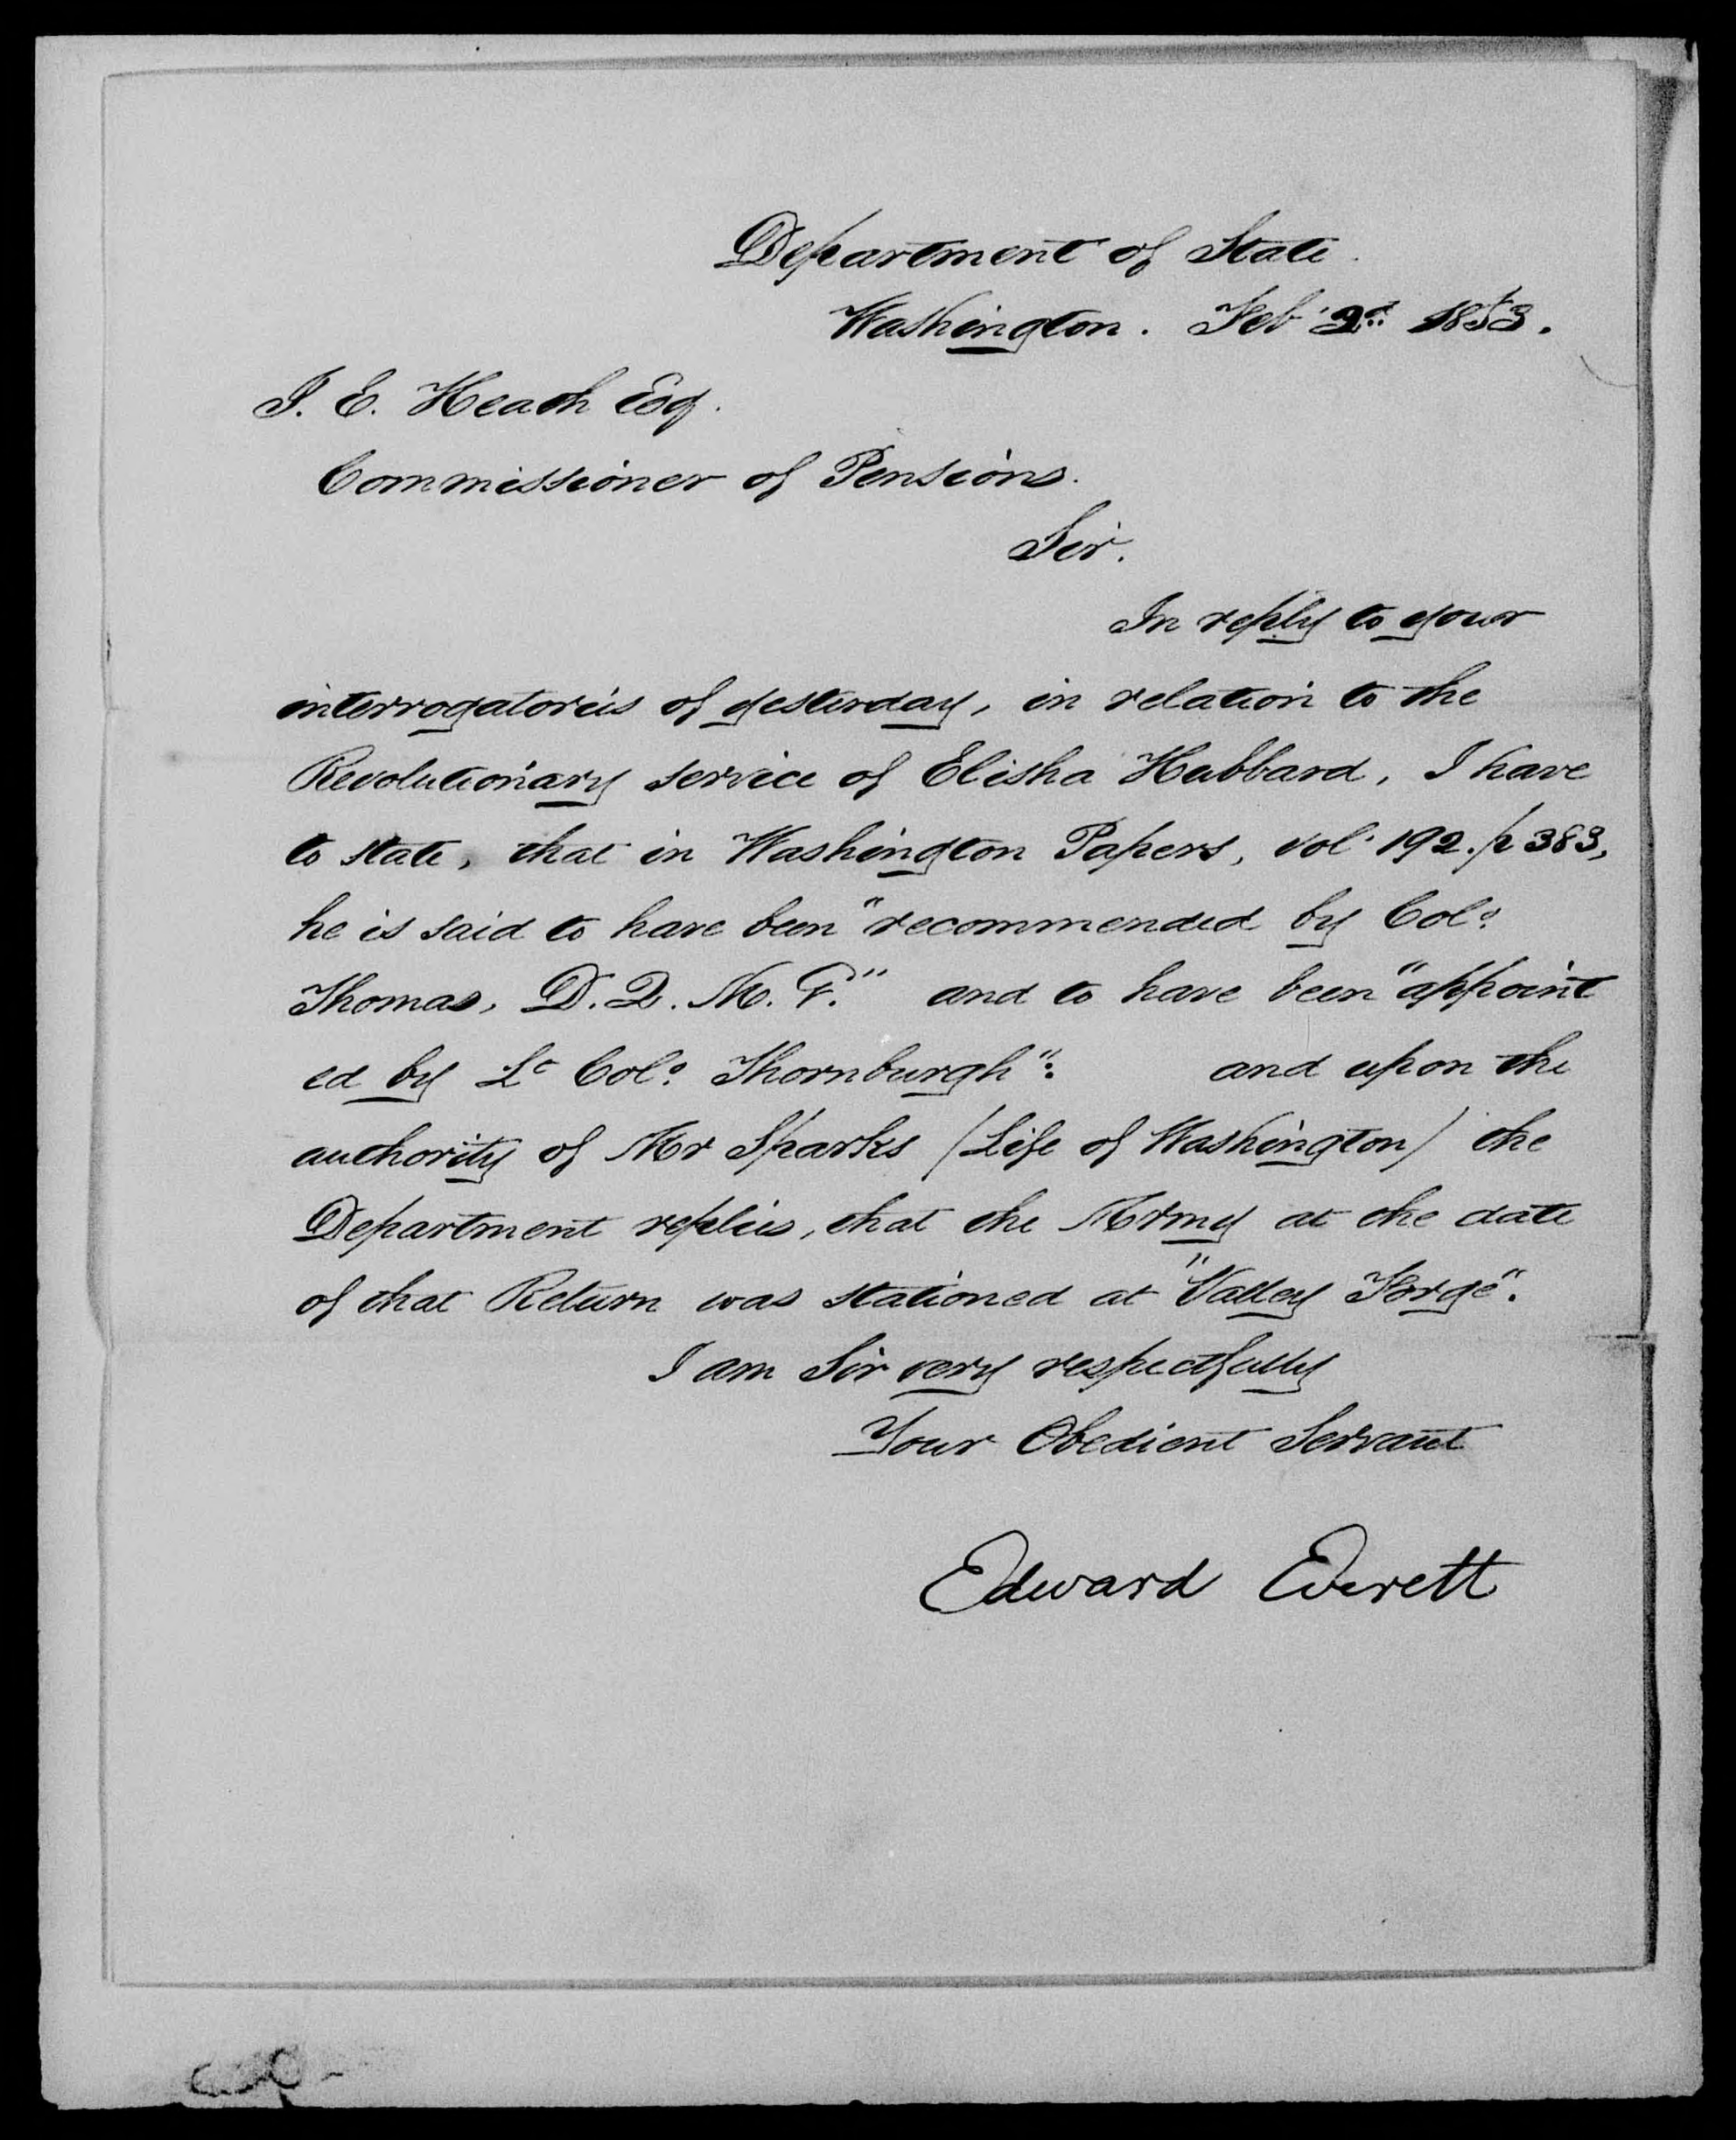Department of State
Washington.  Feb 2 1853.

J. E. Heath Esq.
Commissioner of Pensions

Sir:  In reply to your interrogatories of yesterday, in relation to the Revolutionary service of Elisha Hubbard, I have to Note,  that in Washington Papers, vol 192./383, he is said to have been "recommended by Col. Thomas, D.I. M. G. and to have been "appointed by Lt Col. Thornburgh":  and upon the authority of Mr. Sparks / Life of Washington/ the Department replies, that the Army at the date of that return was stationned at "Valley Forge".

I am Sir: very respectfully
Your Obedient Servant

Edward Everett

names: Thomas, Elisha Hubbard, Sparks, Edward Everett, J E Heath, Thornburgh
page: 45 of 63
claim: survivor's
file: S. 18457, Elisha Hubbard, Conn. Continental